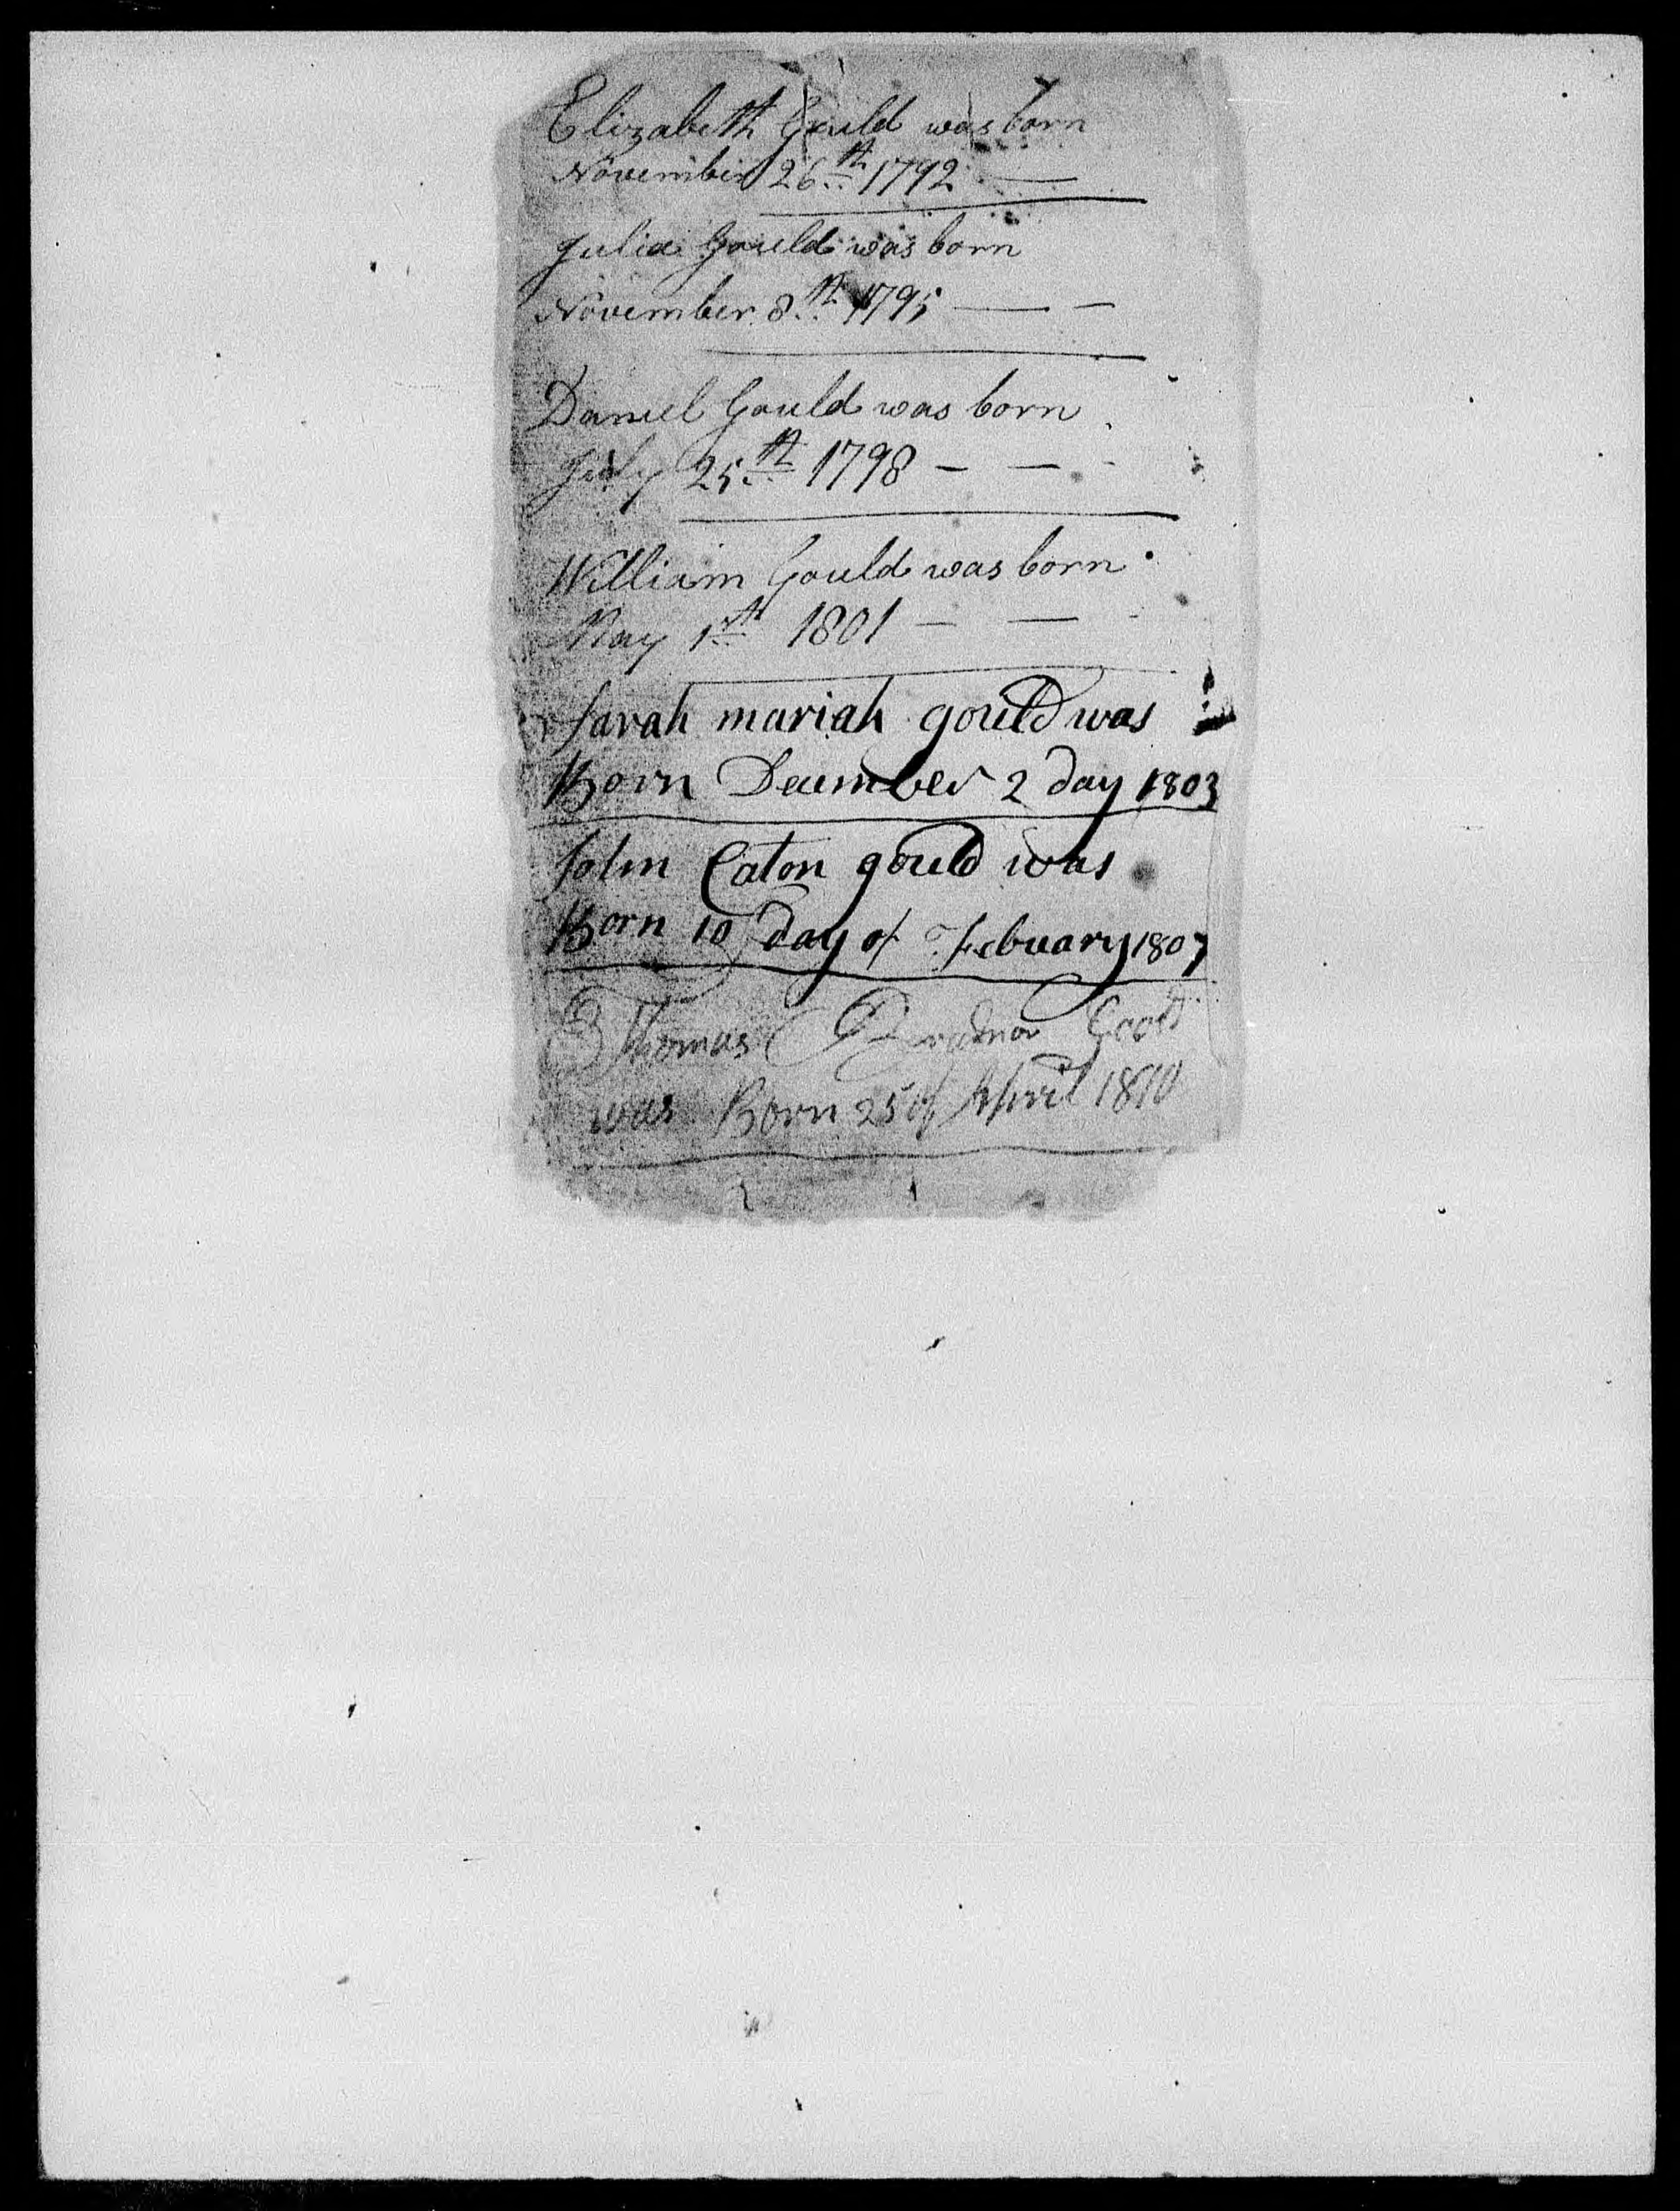Elizabeth Gould was born November 26th 1792

Julia Gould was born November 8th 1795

Daniel Gould was born July 25th 1798

William Gould was born May 1st 1801

Sarah Mariah Gould was born December 2 day 1803

John Caton Gould was born 10 day of February 1807

Thomas Gould was born 25th of April 1810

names: Sarah Mariah Gould, William Gould, Thomas Bradnor Goold, Julia Gould, John Caton Gould, Elizabeth Gould, Daniel Gould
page: 3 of 20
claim: rejected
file: R. 4,161, William Gould, New York